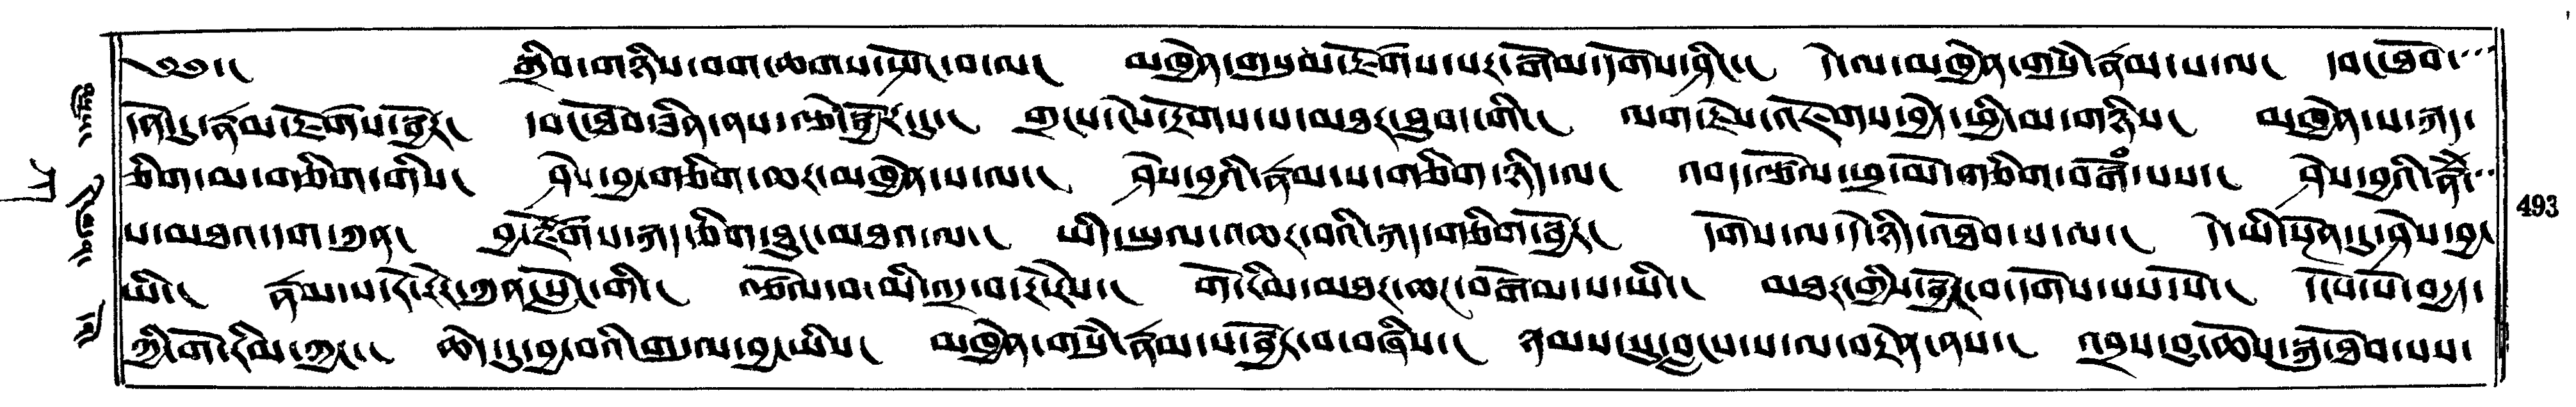སྒྲིབ་གཉིས་བག་ཆགས་སྤོང་བ་ལ། །མཁྱེན་གསུམ་རྫོགས་པར་སྒོམ་དགོས་ཤིང་། །དེ་ལ་མཁྱེན་གསུམ་རྣམ་པ་ལ། །དབང་ཐོབ་
དོན་དུ་རྣམ་རྫོགས་སྦྱོར། །དབང་ཐོབ་ཟིན་ནས་རྩེ་སྦྱོར་དུ། །གྲངས་ངེས་རྟོགས་པ་མཐར་ཐུབ་གི། །ལག་རྗེས་འཇོག་བྱེད་ཕྱི་མ་གཉིས། །མཁྱེན་པ་སྐད་
ཅིག་མ་གཅིག་གིས། །ཤེས་བྱ་གཅིག་ཆར་མཁྱེན་པ་ལ། །ཤེས་བྱའི་རྣམ་པ་གཅིག་ཉིད་ལ། །འབད་རྩོལ་ཕྲ་མོ་གཅིག་བསྒོམ་པས། །ཤེས་བྱའི་རྣམ་
པ་མཐའ་དག་ཀུན། །བྱ་རྫོགས་སྐད་ཅིག་ཐུང་མཐའ་ལ། །ཡིད་ཡུལ་འཆར་བའི་སྐད་གཅིག་སྦྱོར། །དགོས་ལ་དེ་ཉིད་འཐོབ་པ་ལ། །དེ་ཡི་སྔོན་དུ་ཤེས་བྱ་
ཡི། །རྣམ་པ་རེ་རེར་ཀུན་སློང་གི། །རྩོལ་བ་མི་འདྲ་བ་རེ་རེས། །གོ་རིམ་མཐར་ཆགས་བསྒོམ་པ་ཡི། །མཐར་གྱིས་སྦྱོར་བ་དགོས་པས་སོ། །དངོས་པོ་བརྒྱད་
ཀྱི་གོ་རིམ་ཡང་། །ཆེད་དུ་བྱ་བའི་གདུལ་བྱ་ཡིས། །མཁྱེན་གསུམ་རྣམ་པ་སྦྱོར་བ་བཞིས། །ཉམས་སུ་བླངས་པ་ལ་བརྟེན་ནས། །འབྲས་བུ་ཆོས་སྐུ་ཐོབ་པས་